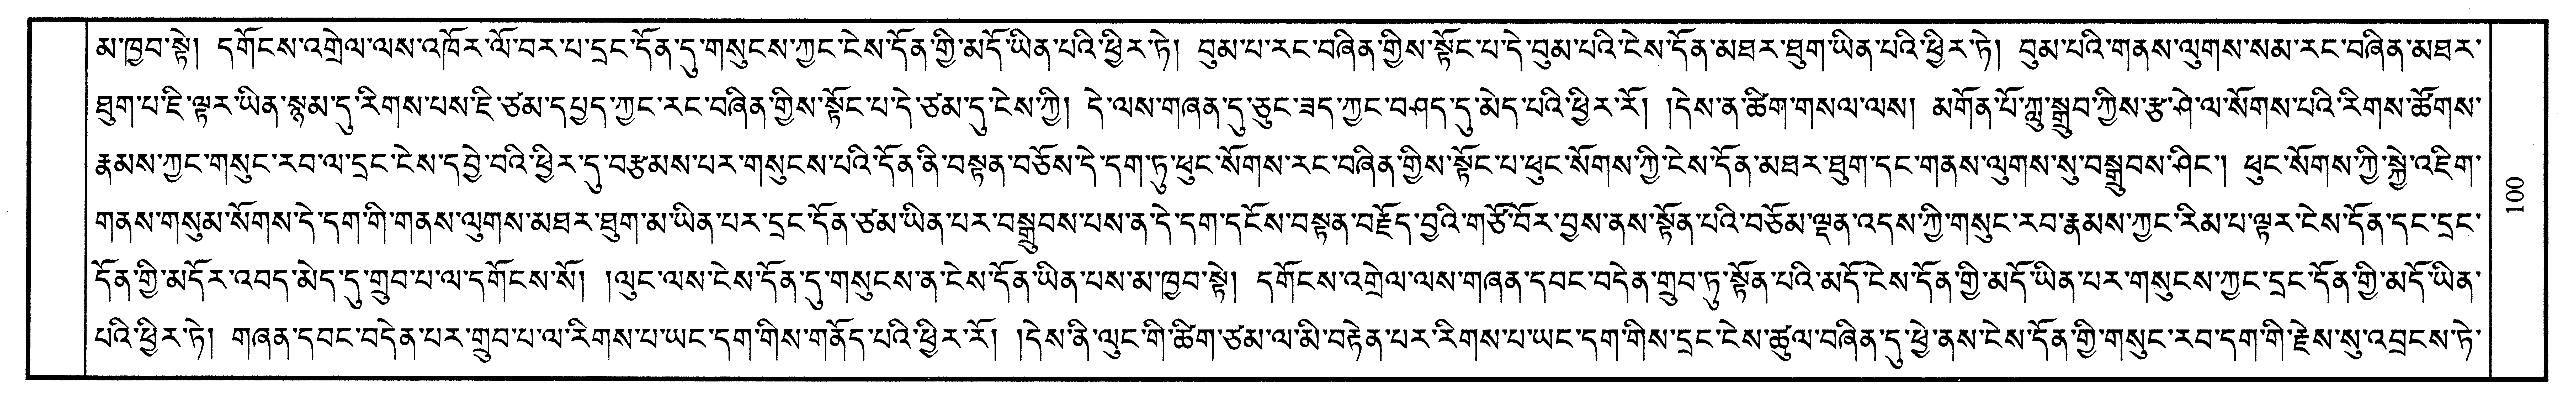མ་ཁྱབ་སྟེ། དགོངས་འགྲེལ་ལས་འཁོར་ལོ་བར་པ་དྲང་དོན་དུ་གསུངས་ཀྱང་ངེས་དོན་གྱི་མདོ་ཡིན་པའི་ཕྱིར་ཏེ། བུམ་པ་རང་བཞིན་གྱིས་སྟོང་པ་དེ་བུམ་པའི་ངེས་དོན་མཐར་ཐུག་ཡིན་པའི་ཕྱིར་ཏེ། བུམ་པའི་གནས་ལུགས་སམ་རང་བཞིན་མཐར་
ཐུག་པ་ཇི་ལྟར་ཡིན་སྙམ་དུ་རིགས་པས་ཇི་ཙམ་དཔྱད་ཀྱང་རང་བཞིན་གྱིས་སྟོང་པ་དེ་ཙམ་དུ་ངེས་ཀྱི། དེ་ལས་གཞན་དུ་ཅུང་ཟད་ཀྱང་བཤད་དུ་མེད་པའི་ཕྱིར་རོ། །དེས་ན་ཚིག་གསལ་ལས། མགོན་པོ་ཀླུ་སྒྲུབ་ཀྱིས་རྩ་ཤེ་ལ་སོགས་པའི་རིགས་ཚོགས་
རྣམས་ཀྱང་གསུང་རབ་ལ་དྲང་ངེས་དབྱེ་བའི་ཕྱིར་དུ་བརྩམས་པར་གསུངས་པའི་དོན་ནི་བསྟན་བཅོས་དེ་དག་ཏུ་ཕུང་སོགས་རང་བཞིན་གྱིས་སྟོང་པ་ཕུང་སོགས་ཀྱི་ངེས་དོན་མཐར་ཐུག་དང་གནས་ལུགས་སུ་བསྒྲུབས་ཤིང་། ཕུང་སོགས་ཀྱི་སྐྱེ་འཇིག་
གནས་གསུམ་སོགས་དེ་དག་གི་གནས་ལུགས་མཐར་ཐུག་མ་ཡིན་པར་དྲང་དོན་ཙམ་ཡིན་པར་བསྒྲུབས་པས་ན་དེ་དག་དངོས་བསྟན་བརྗོད་བྱའི་གཙོ་བོར་བྱས་ནས་སྟོན་པའི་བཅོམ་ལྡན་འདས་ཀྱི་གསུང་རབ་རྣམས་ཀྱང་རིམ་པ་ལྟར་ངེས་དོན་དང་དྲང་
དོན་གྱི་མདོར་འབད་མེད་དུ་གྲུབ་པ་ལ་དགོངས་སོ། །ལུང་ལས་ངེས་དོན་དུ་གསུངས་ན་ངེས་དོན་ཡིན་པས་མ་ཁྱབ་སྟེ། དགོངས་འགྲེལ་ལས་གཞན་དབང་བདེན་གྲུབ་ཏུ་སྟོན་པའི་མདོ་ངེས་དོན་གྱི་མདོ་ཡིན་པར་གསུངས་ཀྱང་དྲང་དོན་གྱི་མདོ་ཡིན་
པའི་ཕྱིར་ཏེ། གཞན་དབང་བདེན་པར་གྲུབ་པ་ལ་རིགས་པ་ཡང་དག་གིས་གནོད་པའི་ཕྱིར་རོ། །དེས་ནི་ལུང་གི་ཚིག་ཙམ་ལ་མི་བརྟེན་པར་རིགས་པ་ཡང་དག་གིས་དྲང་ངེས་ཚུལ་བཞིན་དུ་ཕྱེ་ནས་ངེས་དོན་གྱི་གསུང་རབ་དག་གི་རྗེས་སུ་འབྲངས་ཏེ་